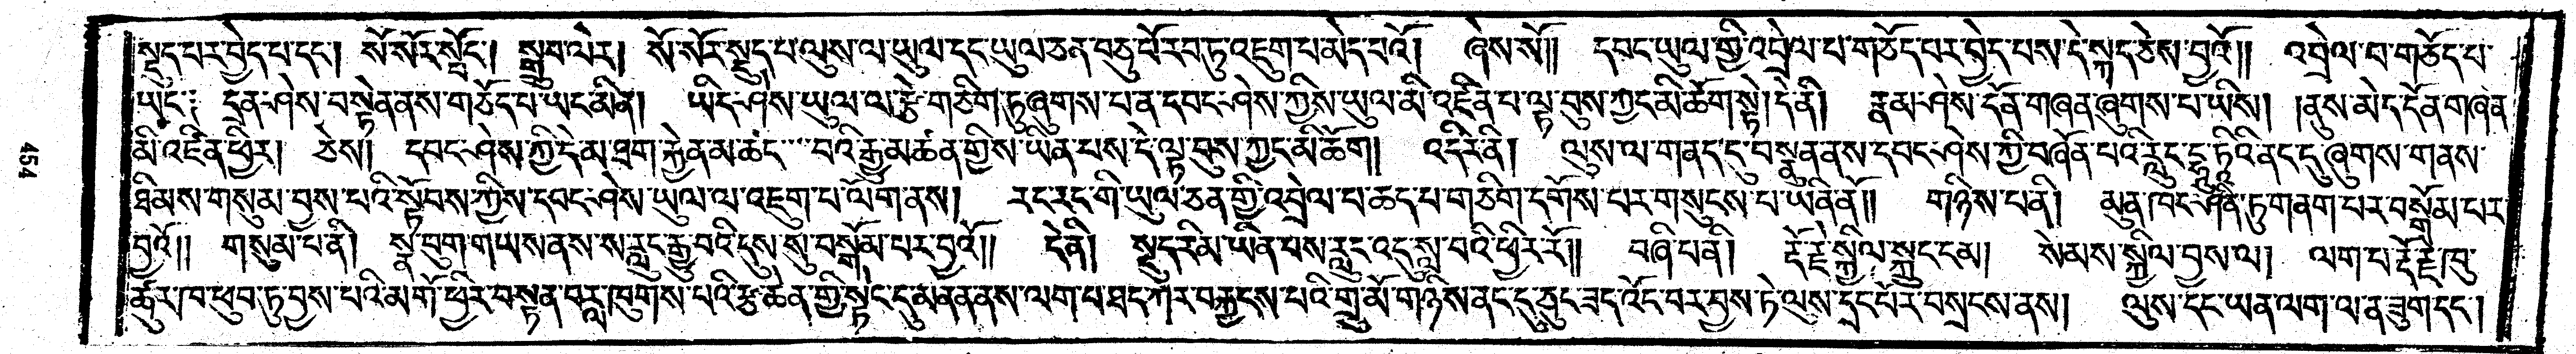སྡུད་པར་བྱེད་པ་དང་། སོ་སོར་སྦོང་། སྒྲུབ་ལེར། སོ་སོར་སྡུད་པ་ལུས་ལ་ཡུལ་དང་ཡུལ་ཅན་བཅུ་པོ་རབ་ཏུ་འཇུག་པ་མེད་པའོ། ཞེས་སོ།། དབང་ཡུལ་གྱི་འབྲེལ་པ་གཅོད་པར་བྱེད་པས་དེ་སྐད་ཅེས་བྱའོ།། འབྲེལ་པ་གཅོད་པ་
ཡང༑ དྲན་ཤེས་བསྟེན་ནས་གཅོད་པ་ཡང་མིན། ཡིད་ཤེས་ཡུལ་ལ་རྩེ་གཅིག་ཏུ་ཞུགས་པ་ན་དབང་ཤེས་ཀྱིས་ཡུལ་མི་འཛིན་པ་ལྟ་བུས་ཀྱང་མི་ཆོག་སྟེ། དེ་ནི། རྣམ་ཤེས་དོན་གཞན་ཞུགས་པ་ཡིས། །ནུས་མེད་དོན་གཞན་
མི་འཛིན་ཕྱིར། ཅེས། དབང་ཤེས་ཀྱི་དེ་མ་ཐག་རྐྱེན་མཚང་བའི་རྒྱུ་མཚན་གྱིས་ཡིན་པས་དེ་ལྟ་བུས་ཀྱང་མི་ཆོག། འདིར་ནི། ལུས་ལ་གནད་དུ་བསྣུན་ནས་དབང་ཤེས་ཀྱི་བཞོན་པའི་རླུང་དྷཱུ་ཏཱིའི་ནང་དུ་ཞུགས་གནས་
ཐིམས་གསུམ་བྱས་པའི་སྟོབས་ཀྱིས་དབང་ཤེས་ཡུལ་ལ་འཇུག་པ་ལོག་ནས། རང་རང་གི་ཡུལ་ཅན་གྱི་འབྲེལ་པ་ཆད་པ་གཅིག་དགོས་པར་གསུངས་པ་ཡིན་ནོ།། གཉིས་པ་ནི། མུན་ཁང་ཤིན་ཏུ་གནག་པར་བསྒོམ་པར་
བྱའོ།། གསུམ་པ་ནི། སྣ་བུག་གཡས་ནས་ས་རླུང་རྒྱུ་བའི་དུས་སུ་བསྒོམ་པར་བྱའོ།། དེ་ནི། སྡུད་རིམ་ཡིན་པས་རླུང་འདུ་སླ་བའི་ཕྱིར་རོ།། བཞི་པ་ནི། རྡོ་རྗེ་སྐྱིལ་སྐྲུང་ངམ། སེམས་སྐྱིལ་བྱས་ལ། ལག་པ་རྡོ་རྗེ་ཁུ་
ཚུར་ཁ་ཕུབ་ཏུ་བྱས་པའི་མགོ་ཕྱིར་བསྟན་བརླ་ཁུགས་པའི་རྩ་ཆེན་གྱི་སྟེང་དུ་མནན་ནས་ལག་པ་ཐད་ཀར་བརྐྱངས་པའི་གྲུ་མོ་གཉིས་ནང་དུ་ཅུང་ཟད་འོང་བར་བྱས་ཏེ་ལུས་དྲང་པོར་བསྲངས་ནས། ལུས་དང་ཡན་ལག་ལ་ན་ཟུག་དང་།